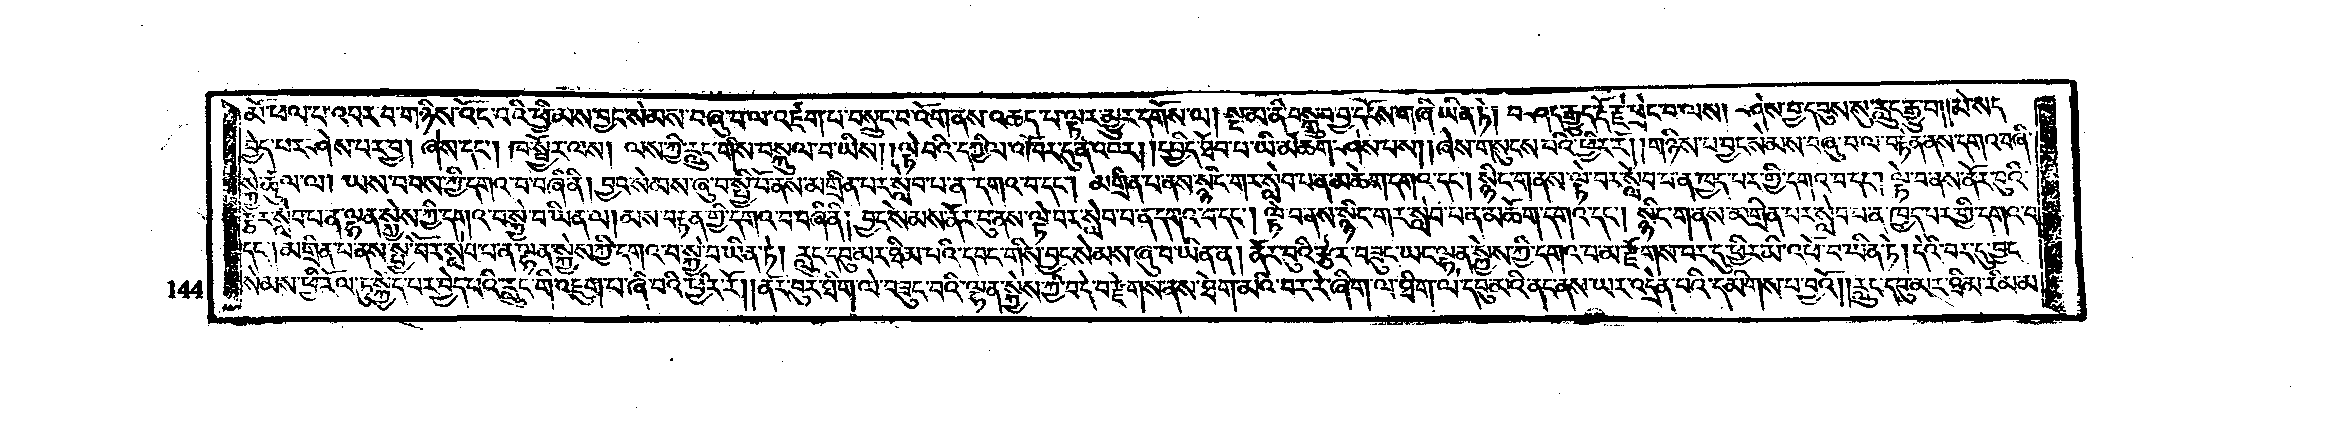མོ་ཕལ་པ་འབར་བ་གཉིས་འོང་བའི་ཕྱི་མས་བྱང་སེམས་བཞུ་བ་ལ་འཛག་པ་བསྲུང་བ་འོག་ནས་འཆད་པ་ལྟར་མྱུར་དགོས་ལ། སྔ་མ་ནི་བསྒྲུབ་བྱ་དངོས་གཞི་ཡིན་ཏེ། བཤད་རྒྱུད་རྡོ་རྗེ་ཕྲེང་བ་ལས། ཤེས་བྱ་དབུས་སུ་རླུང་རྒྱུ་བ། །མེ་སད་
བྱེད་པར་ཤེས་པར་བྱ། ཞེས་དང་། ཁ་སྦྱོར་ལས། ལས་ཀྱི་རླུང་གིས་བསྐུལ་བ་ཡིས། །ལྟེ་བའི་དཀྱིལ་འཁོར་དུ་ནི་འབར། །དཔྱིད་ཐོབ་པ་ཡི་མཆོག་ཤེས་པས། །ཞེས་གསུངས་པའི་ཕྱིར་རོ། །གཉིས་པ་བྱང་སེམས་བཞུ་བ་ལ་བརྟེན་ནས་དགའ་བཞི་
སྐྱེ་ཚུལ་ལ། ཡས་བབས་ཀྱི་དགའ་བ་བཞི་ནི། བྱང་སེམས་ཞུ་བ་སྤྱི་བོ་ནས་མགྲིན་པར་སླེབ་པ་ན་དགའ་བ་དང་། མགྲིན་པ་ནས་སྙིང་གར་སླེབ་པ་ན་མཆོག་དགའ་དང་། སྙིང་ག་ནས་ལྟེ་བར་སླེབ་པ་ན་ཁྱད་པར་གྱི་དགའ་བ་དང་། ལྟེ་བ་ནས་ནོར་བུའི་
རྩེར་སླེབ་པ་ན་ལྷན་སྐྱེས་ཀྱི་དགའ་བ་སྐྱེ་བ་ཡིན་ལ། མས་བརྟན་གྱི་དགའ་བ་བཞི་ནི། བྱང་སེམས་ནོར་བུ་ནས་ལྟེ་བར་སླེབ་པ་ན་དགའ་བ་དང་། ལྟེ་བ་ནས་སྙིང་གར་སླེབ་པ་ན་མཆོག་དགའ་དང་། སྙིང་ག་ནས་མགྲིན་པར་སླེབ་པ་ན་ཁྱད་པར་གྱི་དགའ་བ་
དང་། མགྲིན་པ་ནས་སྤྱི་བོར་སླེབ་པ་ན་ལྷན་སྐྱེས་ཀྱི་དགའ་བ་སྐྱེ་བ་ཡིན་ཏེ། རླུང་དབུ་མར་ཐིམ་པའི་དབང་གིས་བྱང་སེམས་ཞུ་བ་ཡིན་ན། ནོར་བུའི་རྩེར་བཟུང་ཡང་ལྷན་སྐྱེས་ཀྱི་དགའ་བ་མ་རྫོགས་བར་དུ་ཕྱིར་མི་འཕོ་བ་ཡིན་ཏེ། དེའི་བར་དུ་བྱང་
སེམས་ཕྱི་རོལ་ཏུ་སྐྱེད་པར་བྱེད་པའི་རླུང་གི་འཇུག་པ་ཞི་བའི་ཕྱིར་རོ། །ནོར་བུར་ཐིག་ལེ་བཟུང་བའི་ལྷན་སྐྱེས་ཀྱི་བདེ་བ་རྫོགས་ནས་ཐོག་མའི་བར་རེ་ཞིག་ལ་ཐིག་ལེ་དབུ་མའི་ནང་ནས་ཡར་འདྲེན་པའི་དམིགས་པ་བྱའོ། །རླུང་དབུ་མར་ཐིམ་རིམ་མ་